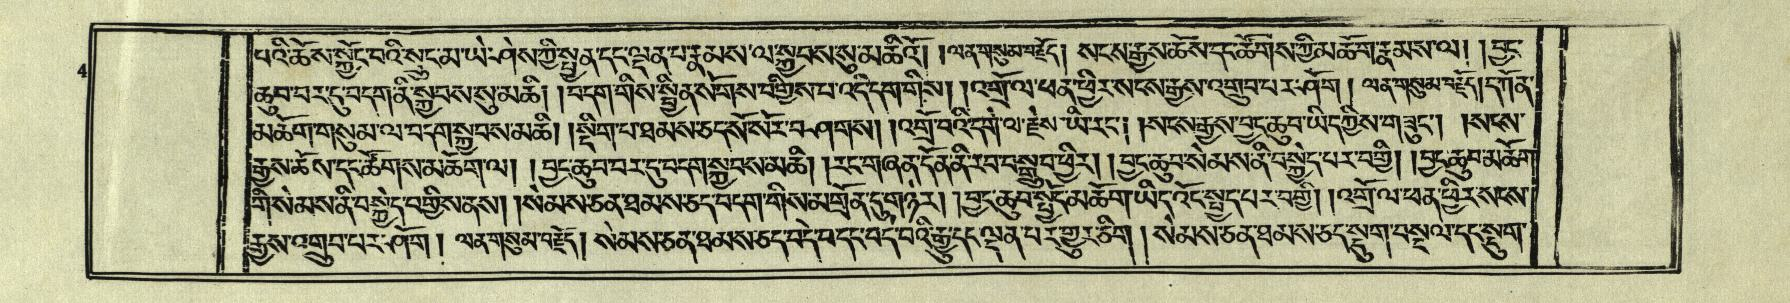པའི་ཆོས་སྐྱོང་བའི་སྲུང་མ་ཡེ་ཤེས་ཀྱི་སྤྱན་དང་ལྡན་པ་རྣམས་ལ་སྐྱབས་སུ་མཆིའོ། །ལན་གསུམ་བརྗོད། སངས་རྒྱས་ཆོས་དང་ཚོགས་ཀྱི་མཆོག་རྣམས་ལ། །བྱང་
ཆུབ་བར་དུ་བདག་ནི་སྐྱབས་སུ་མཆི། །བདག་གིས་སྦྱིན་སོགས་བགྱིས་པ་འདི་དག་གིས། །འགྲོ་ལ་ཕན་ཕྱིར་སངས་རྒྱས་འགྲུབ་པར་ཤོག །ལན་གསུམ་བརྗོད། དཀོན་
མཆོག་གསུམ་ལ་བདག་སྐྱབས་མཆི། །སྡིག་པ་ཐམས་ཅད་སོ་སོར་བཤགས། །འགྲོ་བའི་དགེ་ལ་རྗེས་ཡི་རང་། །སངས་རྒྱས་བྱང་ཆུབ་ཡིད་ཀྱིས་གཟུང་། །སངས་
རྒྱས་ཆོས་དང་ཚོགས་མཆོག་ལ། །བྱང་ཆུབ་བར་དུ་བདག་སྐྱབས་མཆི། །རང་གཞན་དོན་ནི་རབ་བསྒྲུབ་ཕྱིར། །བྱང་ཆུབ་སེམས་ནི་བསྐྱེད་པར་བགྱི། །བྱང་ཆུབ་མཆོག་
གི་སེམས་ནི་བསྐྱེད་བགྱིས་ནས། །སེམས་ཅན་ཐམས་ཅད་བདག་གིས་མགྲོན་དུ་གཉེར། །བྱང་ཆུབ་སྤྱོད་མཆོག་ཡིད་འོང་སྤྱད་པར་བགྱི། །འགྲོ་ལ་ཕན་ཕྱིར་སངས་
རྒྱས་འགྲུབ་པར་ཤོག། ལན་གསུམ་བརྗོད། སེམས་ཅན་ཐམས་ཅད་བདེ་བ་དང་བདེ་བའི་རྒྱུ་དང་ལྡན་པར་གྱུར་ཅིག །སེམས་ཅན་ཐམས་ཅད་སྡུག་བསྔལ་དང་སྡུག་